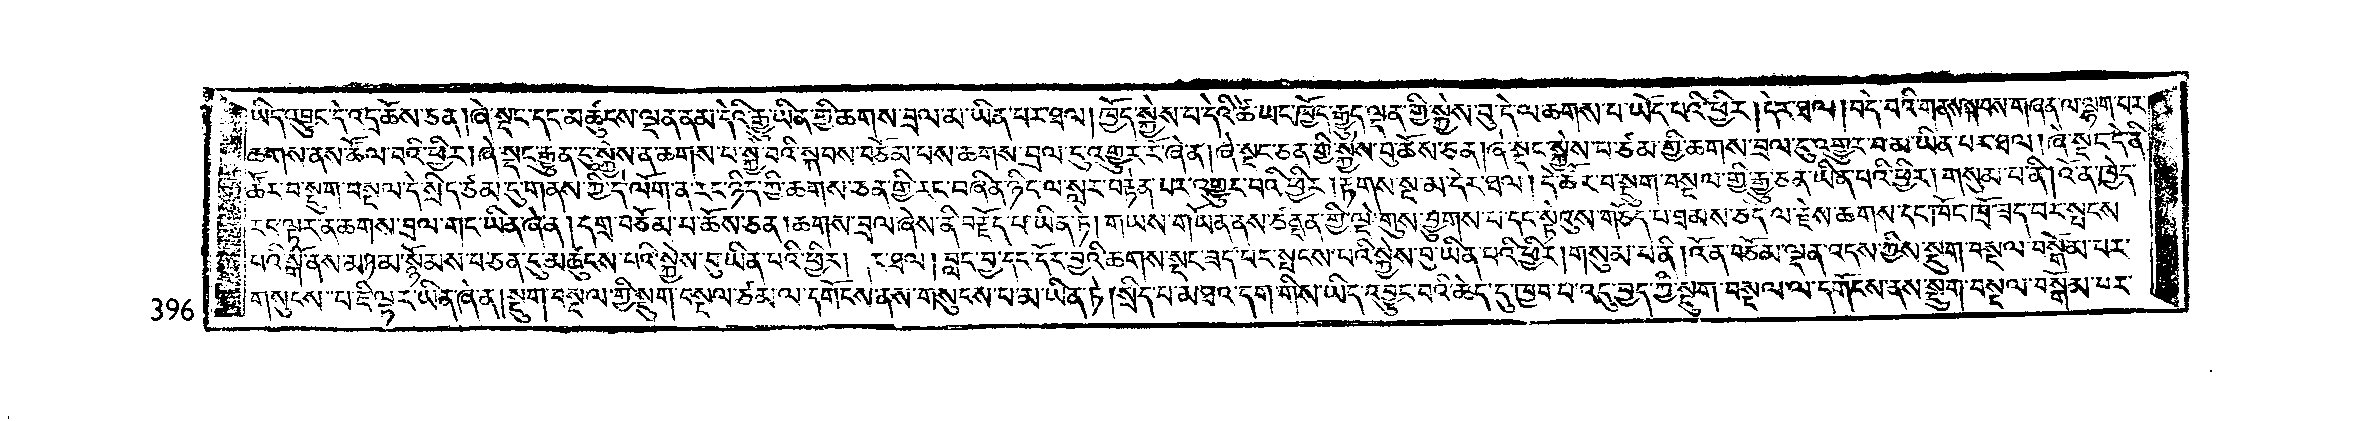ཡིད་འབྱུང་དེ་འདྲ་ཆོས་ཅན། ཞེ་སྡང་དང་མཚུངས་ལྡན་ནམ་དེའི་རྒྱུ་ཡིན་གྱི་ཆགས་བྲལ་མ་ཡིན་པར་ཐལ། ཁྱོད་སྐྱེས་པ་དེའི་ཚེ་ཡང་ཁྱོད་རྒྱུད་ལྡན་གྱི་སྐྱེས་བུ་དེ་ལ་ཆགས་པ་ཡོད་པའི་ཕྱིར། དེར་ཐལ། བདེ་བའི་གནས་སྐབས་གཞན་ལ་ལྷག་པར་
ཆགས་ནས་ཚོལ་བའི་ཕྱིར། ཞེ་སྡང་རྒྱུན་དུ་སྐྱེས་ན་ཆགས་པ་སྐྱེ་བའི་སྐབས་བཅོམ་པས་ཆགས་བྲལ་དུ་འགྱུར་རོ་ཞེ་ན། ཞེ་སྡང་ཅན་གྱི་སྐྱེས་བུ་ཆོས་ཅན། ཞེ་སྡང་སྤྱེས་པ་ཙམ་གྱི་ཆགས་བྲལ་དུ་འགྱུར་བ་མ་ཡིན་པར་ཐལ། ཞེ་སྡང་དེ་ནི་
ཚོར་བ་སྡུག་བསྔལ་དེ་སྲིད་ཙམ་དུ་གནས་ཀྱི་དེ་ལོག་ན་རང་ཉིད་ཀྱི་ཆགས་ཅན་གྱི་རང་བཞིན་ཉིད་ལ་སླར་བརྟེན་པར་འགྱུར་བའི་ཕྱིར། རྟགས་?་སྔ་མ་དེར་ཐལ། དེ་ཚོར་བ་སྡུག་བསྔལ་གྱི་རྒྱུ་ཅན་ཡིན་པའི་ཕྱིར། གསུམ་པ་ནི། འོ་ན་ཁྱེད་
རང་ལྟར་ན་ཆགས་བྲལ་གང་ཡིན་ཞེ་ན། དགྲ་བཅོམ་པ་ཆོས་ཅན། ཆགས་བྲལ་ཞེས་ནི་བརྗོད་པ་ཡིན་ཏེ། གཡས་གཡོན་ནས་ཙནྡན་གྱི་ལྡེ་གུས་བྱུགས་པ་དང་སྟེའུས་གཅོད་པ་ཐམས་ཅད་?་ལ་རྗེས་ཆགས་དང་ཁོང་ཁྲོ་ཟད་བར་སྤངས་
པའི་སྒོ་ནས་མཉམ་སྙོམས་པ་ཅན་དུ་མཚུངས་པའི་སྐྱེས་བུ་ཡིན་པའི་ཕྱིར། །ར་ཐལ། བླང་བྱ་དང་དོར་བྱའི་ཆགས་སྡང་ཟད་པར་སྤངས་པའི་སྐྱེས་བུ་ཡིན་པའི་ཕྱིར། གསུམ་པ་ནི། འོ་ན་བཅོམ་ལྡན་འདས་ཀྱིས་སྡུག་བསྔལ་བསྒོམ་པར་
གསུངས་པ་ཇི་ལྟར་ཡིན་ཞེ་ན། སྡུག་བསྔལ་གྱི་སྡུག་བསྔལ་ཙམ་ལ་དགོངས་ནས་གསུངས་པ་མ་ཡིན་ཏེ། སྲིད་པ་མཐའ་དག་གིས་ཡིད་འབྱུང་བའི་ཆེད་དུ་ཁྱབ་པ་འདུ་བྱད་ཀྱི་སྡུག་བསྔལ་ལ་དགོངས་ནས་སྡུག་བསྔལ་བསྒོམ་པར་